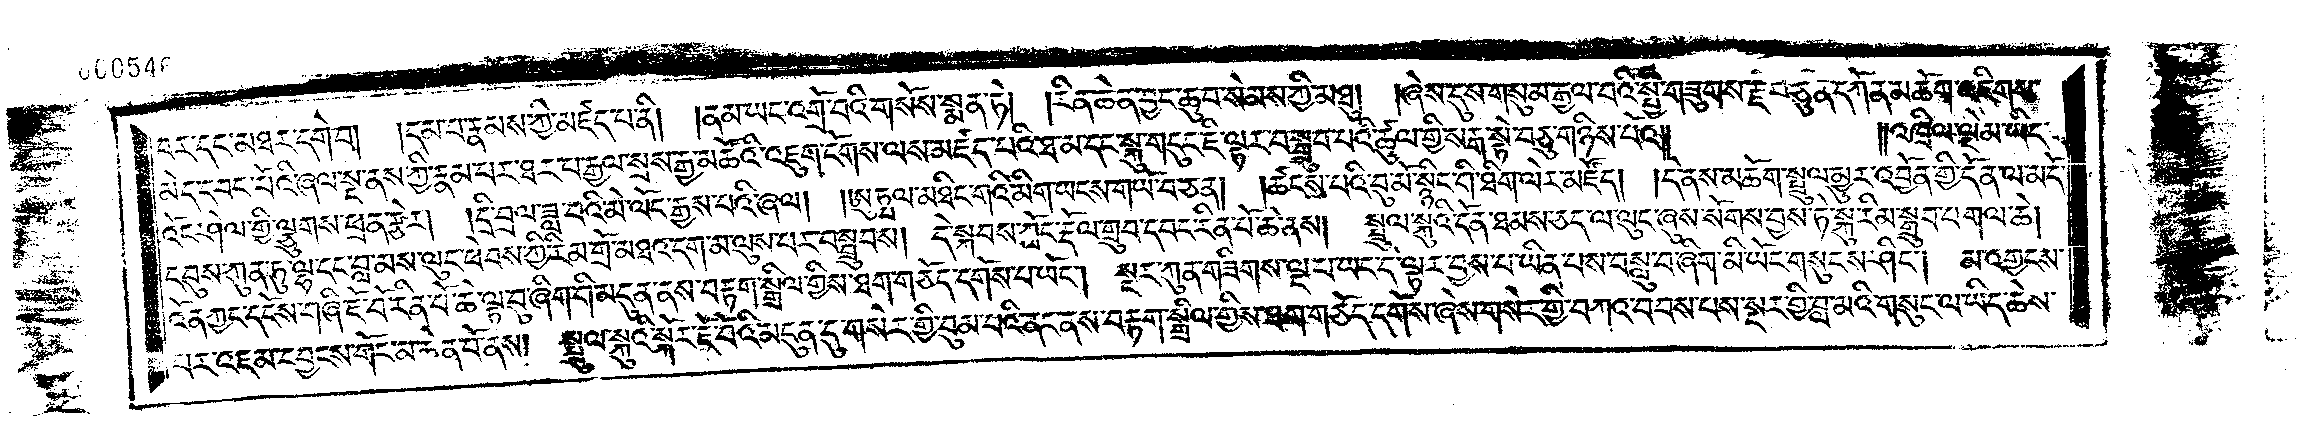བར་དང་མཐར་དགེ་བ། །དམ་པ་རྣམས་ཀྱི་མཛད་པ་ནི། །ནམ་ཡང་འགྲོ་བའི་གསོས་སྨན་ཏེ། །རིན་ཆེན་བྱང་ཆུབ་སེམས་ཀྱི་མཐུ། །ཞེས་དུས་གསུམ་རྒྱལ་བའི་སྤྱི་གཟུགས་རྗེ་བཙུན་དཀོན་མཆོག་འཇིགས་
མེད་དབང་པོའི་ཞལ་སྔ་ནས་ཀྱི་རྣམ་པར་ཐར་པ་རྒྱལ་སྲས་རྒྱ་མཚོའི་འཇུག་ངོགས་ལས་མཛད་པའི་ཐ་མ་དང་སྐུ་གདུང་ཇི་ལྟར་བསྒྲུབ་པའི་ཚུལ་གྱི་སརྒ་སྟེ་བཅུ་གཉིས་པའོ།། །།འཁྲིལ་ལྡེམ་ཡིད་
འོང་ཤེལ་གྱི་ལྕུགས་ཕྲན་རྩེར། །དྲི་བྲལ་ཟླ་བའི་མེ་ལོང་རྒྱས་པའི་ཞལ། །ཨུཏྤལ་མཐིང་གའི་མིག་ཡངས་གཡོ་བ་ཅན། །ཚངས་པའི་བུ་མོ་སྙིང་གི་ཐིག་ལེར་མཛོད། །དེ་ནས་མཆོག་སྤྲུལ་མྱུར་འབྱོན་གྱི་དོན་ལ་མདོ་
དབུས་ཀུན་ཏུ་ལྷ་དང་བླ་མས་ལུང་ཕེབས་ཀྱི་རིམ་གྲོ་མཐའ་དག་མ་ལུས་པར་བསྦྲུབས། དེ་སྐབས་ཀློང་རྡོལ་གྲུབ་དབང་རིན་པོ་ཆེ་ནས། སྤྲུལ་སྐུའི་དོན་ཐམས་ཅད་ལ་ལུང་ཞུས་སོགས་བྱས་ཏེ་སྐུ་རིམ་སྒྲུབ་པ་གལ་ཆེ།
འོན་ཀྱང་དངོས་གཞི་ཇོ་བོ་རིན་པོ་ཆེ་ལྟ་བུ་ཞིག་གི་མདུན་ནས་བརྟག་སྒྲིལ་གྱིས་ཐག་གཅོད་དགོས་པ་ཡོང་། སྔར་ཀུན་གཟིགས་ལྔ་པ་ཡང་དེ་ལྟར་བྱས་པ་ཡིན་པས་བསླུ་བ་ཞིག་མི་ཡོང་གསུངས་ཤིང་། མ་འགྱངས་
བར་འཇམ་དབྱངས་གོང་མ་ཆེན་པོ་ནས། སྤྲུལ་སྐུའི་སྐོར་ཇོ་བོའི་མདུན་དུ་གསེར་གྱི་བུམ་པའི་ནང་ནས་བརྟག་སྒྲིལ་གྱིས་ཐག་གཅོད་དགོས་ཞེས་གསེར་གྱི་བཀའ་བབས་པས་སྔར་གྱི་བླ་མའི་གསུང་ལ་ཡིད་ཆེས་